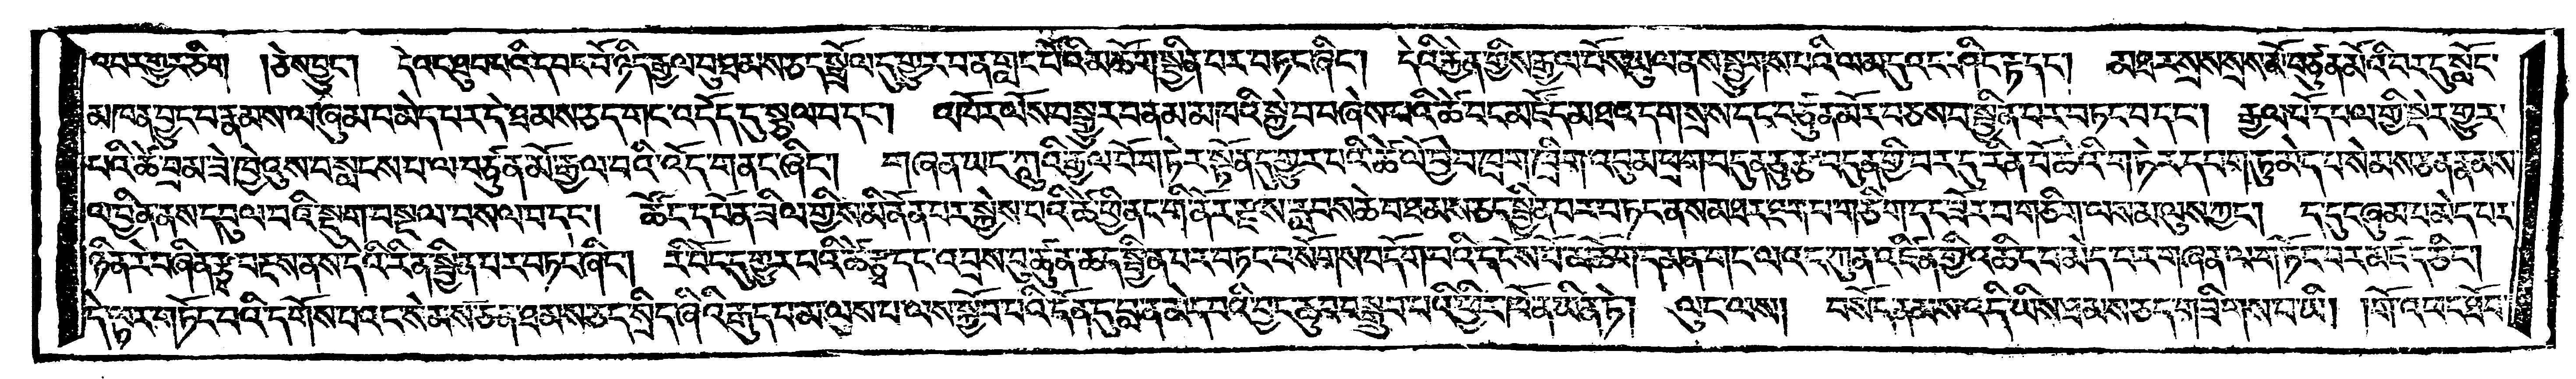འབར་གྱུར་ཅིག །ཅེས་བྱུང་། དེའང་ཐུབ་པའི་དབང་པོ་ཉིད་རྒྱལ་བུ་ཐམས་ཅད་སྒྲོལ་དུ་གྱུར་པ་ན་གླང་པོའི་མཆོག་སྤྱིན་པར་བཏང་ཞིང་། དེའི་རྐྱེན་གྱིས་རྒྱལ་པོས་ཡུལ་ནས་སྤྱུགས་པའི་ལམ་དུའང་ཤིང་རྟ་དང་། མཐར་སྲས་སྲས་མོ་བཙུན་མོའི་བར་དུ་སློང་
མཁན་བྱུང་བ་རྣམས་ལ་ཞུམ་པ་མེད་པར་དེ་ཐམས་ཅད་གང་འདོད་དུ་སྩལ་བ་དང་། འཁོར་ལོས་བསྒྱུར་བ་ནམ་མཁའི་སྐྱེ་བ་བཞེས་པའི་ཚེ་བང་མཛོད་མཐའ་དག་སྲས་དང་བཙུན་མོར་བཅས་པ་སྦྱིན་པར་བཏང་བ་དང་། རྒྱལ་པོ་དཔལ་གྱི་སྡེར་གྱུར་
པའི་ཚེ་བྲམ་ཟེ་ཁྱེའུས་བསླངས་པ་ལ་བཙུན་མོ་རྒྱལ་བའི་འོད་གནང་ཞིང་། གཞན་ཡང་ཀླུའི་རྒྱལ་པོ་གཏེར་སྟོན་དུ་གྱུར་པའི་ཚེ་ལོ་བྱེ་བ་ཁྲག་ཁྲིག་འབུམ་ཕྲག་བདུན་ཅུ་རྩ་བདུན་གྱི་བར་དུ་རིན་པོ་ཆེའི་གཏེར་དཔག་ཏུ་མེད་པ་སེམས་ཅན་རྣམས་
ལ་བྱིན་ནས་དབུལ་བའི་སྡུག་བསྔལ་བསལ་བ་དང་། ཚོང་དཔོན་ཟིལ་གྱིས་མི་ནོན་པར་སྐྱེས་པའི་ཚེ་ཕྱི་ནང་གི་ནོར་རྫས་རླབས་ཆེ་བ་ཐམས་ཅད་སྦྱིན་པར་བཏང་ནས་མཐར་ཐག་པ་གཅིག་དང་ཟོར་བ་གཅིག་ལས་མ་ལུས་ཀྱང་། ད་དུང་ཞུམ་པ་མེད་པར་
ཉིན་རེ་བཞིན་རྩྭ་བརྔས་ནས་དེའི་རིན་སྦྱིན་པར་བཏང་ཞིང་། རི་བོང་དུ་གྱུར་པའི་ཚེ་རྩྭ་དང་འབྲས་བུ་ཚུན་ཆད་སྦྱིན་པར་བཏང་བསོགས་བདོག་པའི་དངོས་པོ་མཆོག་དམན་གང་ལའང་ཀུན་འཛིན་གྱི་འཆིང་བ་མེད་པར་གཞན་ལ་གཏོང་བར་མཛད་ཅིང་།
དེ་ལྟར་གཏོང་བའི་དགོས་བའང་སེམས་ཅན་ཐམས་ཅད་སྲིད་ཞིའི་རྒུད་པ་མ་ལུས་པ་ལས་སྐྱོབ་པའི་དོན་དུ་བླ་ན་མེད་བའི་བྱང་ཆུབ་བསྒྲུབ་པའི་ཕྱིར་ཁོ་ན་ཡིན་ཏེ། ལུང་ལས། བསོད་ནམས་འདི་ཡིས་ཐམས་ཅད་གཟིགས་པ་ཡི། །གོ་འཕང་ཐོབ་